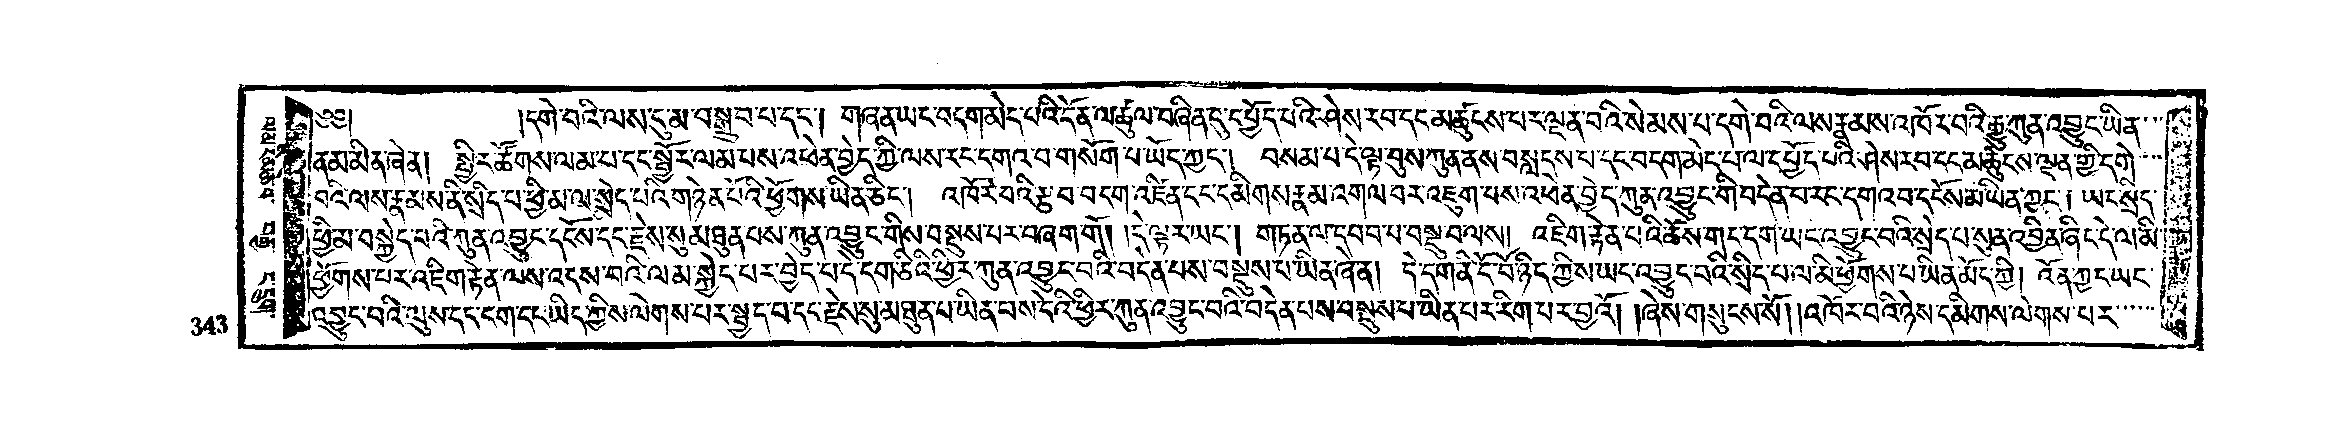༄༅། །དགེ་བའི་ལས་དུ་མ་བསྒྲུབ་པ་དང་། གཞན་ཡང་བདག་མེད་པའི་དོན་ལ་ཚུལ་བཞིན་དུ་དཔྱོད་པའི་ཤེས་རབ་དང་མཚུངས་པར་ལྡན་པའི་སེམས་པ་དགེ་བའི་ལས་རྣམས་འཁོར་བའི་རྒྱུ་ཀུན་འབྱུང་ཡིན་
ནམ་མིན་ཞེ་ན། སྤྱིར་ཚོགས་ལམ་པ་དང་སྦྱོར་ལམ་པས་འཕེན་བྱེད་ཀྱི་ལས་རང་དགའ་བ་གསོག་པ་ཡོད་ཀྱང་། བསམ་པ་དེ་ལྟ་བུས་ཀུན་ནས་བསླངས་པ་དང་བདག་མེད་པ་ལ་དཔྱོད་པའི་ཤེས་རབ་དང་མཚུངས་ལྡན་གྱི་དགེ་
བའི་ལས་རྣམས་ནི་སྲིད་པ་ཕྱི་མ་ལ་སྲེད་པའི་གཉེན་པོའི་ཕྱོགས་ཡིན་ཅིང་། འཁོར་བའི་རྩ་བ་བདག་འཛིན་དང་དམིགས་རྣམ་འགལ་བར་འཇུག་པས་འཕེན་བྱེད་ཀུན་འབྱུང་གི་བདེན་པ་རང་དགའ་བ་དངོས་མ་ཡིན་ཀྱང་། ཡང་སྲིད་
ཕྱི་མ་བསྐྱེད་པའི་ཀུན་འབྱུང་དངོས་དང་རྗེས་སུ་མཐུན་པས་ཀུན་འབྱུང་གིས་བསྡུས་བར་བཞག་གོ། །དེ་ལྟར་ཡང་། གཏན་ལ་དབབ་པ་བསྡུ་བ་ལས། འཇིག་རྟེན་པའི་ཆོས་གང་དག་ཡང་འབྱུང་བའི་སྲེད་པ་སུན་འབྱིན་ཞིང་དེ་ལ་མི་
ཕྱོགས་བར་འཇིག་རྟེན་ལས་འདས་པའི་ལམ་སྐྱེད་པར་བྱེད་པ་དེ་དག་ཅིའི་ཕྱིར་ཀུན་འབྱུང་བའི་བདེན་པས་བསྡུས་པ་ཡིན་ཞེ་ན། དེ་དག་ནི་ངོ་བོ་ཉིད་ཀྱིས་ཡང་འབྱུང་བའི་སྲིད་པ་ལ་མི་ཕྱོགས་པ་ཡིན་མོད་ཀྱི། འོན་ཀྱང་ཡང་
འབྱུང་བའི་ལུས་དང་ངག་དང་ཡིད་ཀྱིས་ལེགས་པར་སྤྱད་པ་དང་རྗེས་སུ་མཐུན་བ་ཡིན་པས་དེའི་ཕྱིར་ཀུན་འབྱུང་བའི་བདེན་པས་བསྡུས་པ་ཡིན་པར་རིག་པར་བྱའོ། །ཞེས་གསུངས་སོ། །འཁོར་བའི་ཉེས་དམིགས་ལེགས་པར་